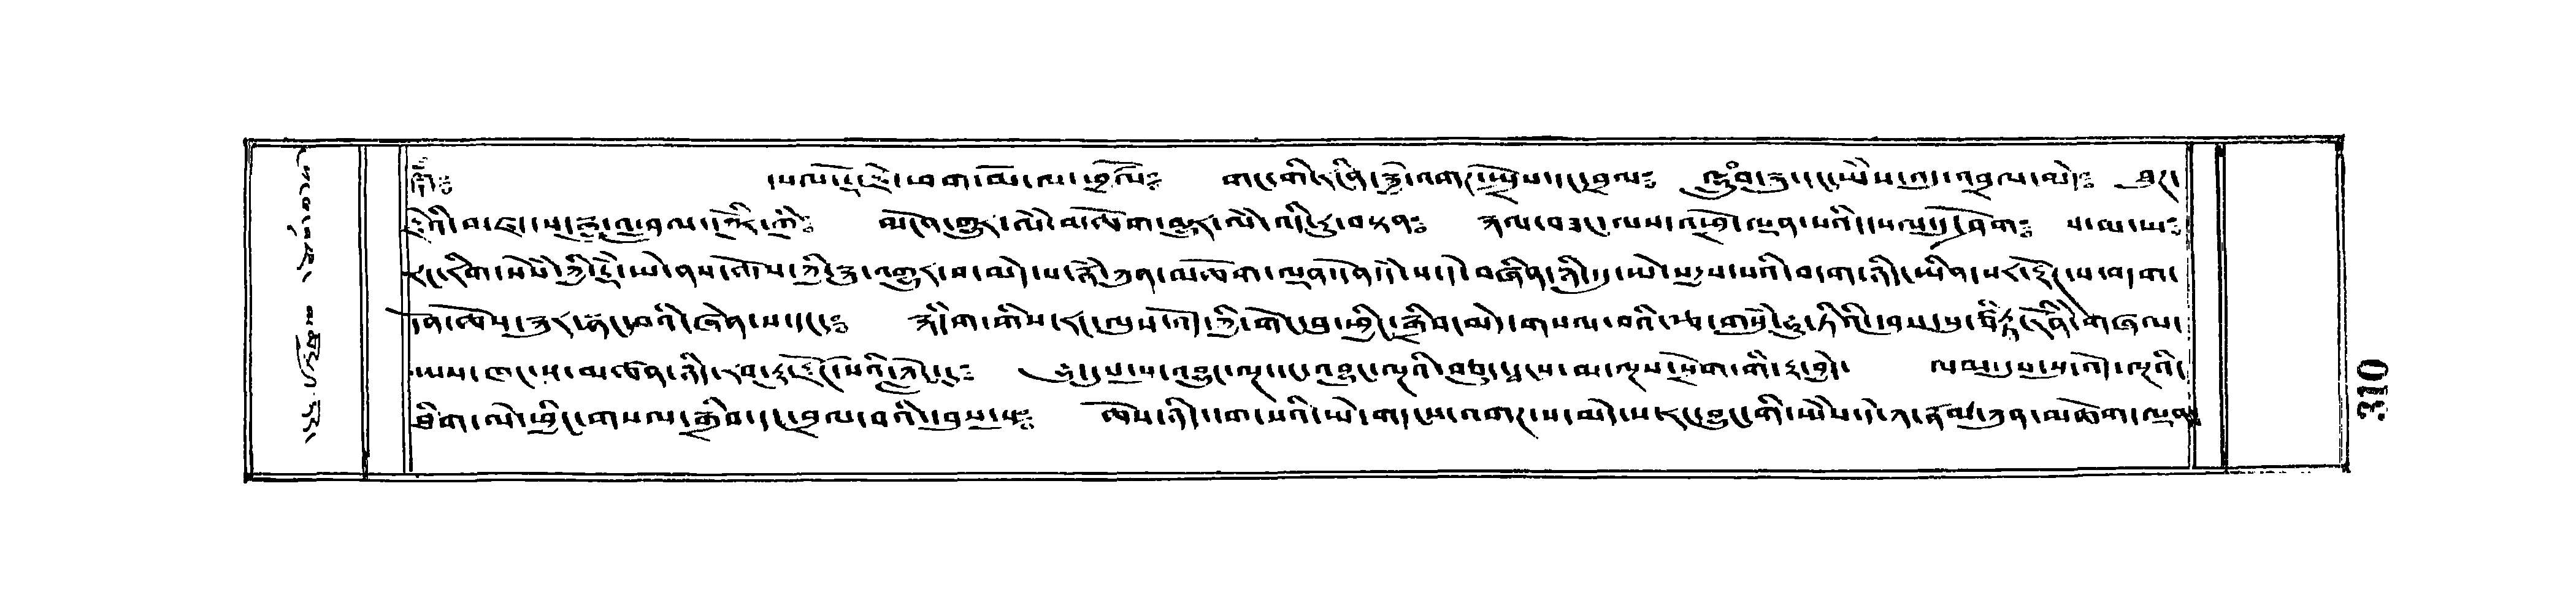དཔལ་རྡོ་རྗེ་ཕག་མོ་ལ་ཕྱག་འཚལ་ལོ༔ གང་གི་རང་བཞིན་སྐྱེ་འགགས་སྤྲོས་དང་བྲལ༔ ལྷུན་གྲུབ་སྐུ་དང་ཡེ་ཤེས་འདུ་འབྲལ་མེད༔ ཐུགས་
རྗེའི་མཛད་པ་སྒྱུ་འཕྲུལ་དཀྱིལ་འཁོར་གྱི༔ མངོན་གྱུར་ལམ་མཆོག་མྱུར་ལམ་འདི་རུ་བསྟན༔ སྐལ་བཟང་ལས་འཕྲོ་ལྡན་པའི་དཔལ་དུ་ཤོག༔ ས་མ་ཡ༔ 
རང་རིག་སེམས་ཀྱི་རྡོ་རྗེ་ཡེ་ནས་ཆོས་ཀྱི་སྐུ་འགྱུར་བ་མེད་པ་རྣམ་ཀུན་མཆོག་ལྡན་དོན་དམ་པ་དེ་བཞིན་ཉིད་དུ་ཡེ་སངས་རྒྱས་པའི་བདག་
ཉིད་ཡིན་པར་རྟོགས་པ་བདག་དོན་ཆོས་སྐུར་སྣང་བའི་ཞེན་པ་དང༔ སྐད་ཅིག་གིས་རང་ལུས་འོད་ཀྱི་གོང་བུ་ཕྱི་ནང་སྒྲིབ་མེད་གསལ་བའི་རྩ་གསུམ་དྷུ་ཏིའི་དབུས་སུ་ཙིཏྟ་རིན་པོ་ཆེ་གཞལ་
ཡས་ཁང་པ་མཚན་ཉིད་རབ་ཏུ་རྫོགས་པའི་ཀློང་དུ༔ རྒྱུ་དུས་སུ་འབྱུང་ལྔ་དང་འབྱུང་ལྔའི་བཅུད་དྭངས་མ་ལྔས་སྲོག་གི་རྟ་བྱེད༔ ལམ་དུས་སུ་འོད་ལྔའི་
ཐིག་ལེ་ཕྱི་ནང་གསལ་སྒྲིབ་དང་བྲལ་བའི་དབུས་སུ༔ ཆོས་ཉིད་དག་པའི་ཡེ་གདངས་འགགས་པ་མེད་པ་རང་བྱུང་གི་ཡེ་ཤེས་དེ་ཀ་རྣམ་ཀུན་མཆོག་ལྡན་